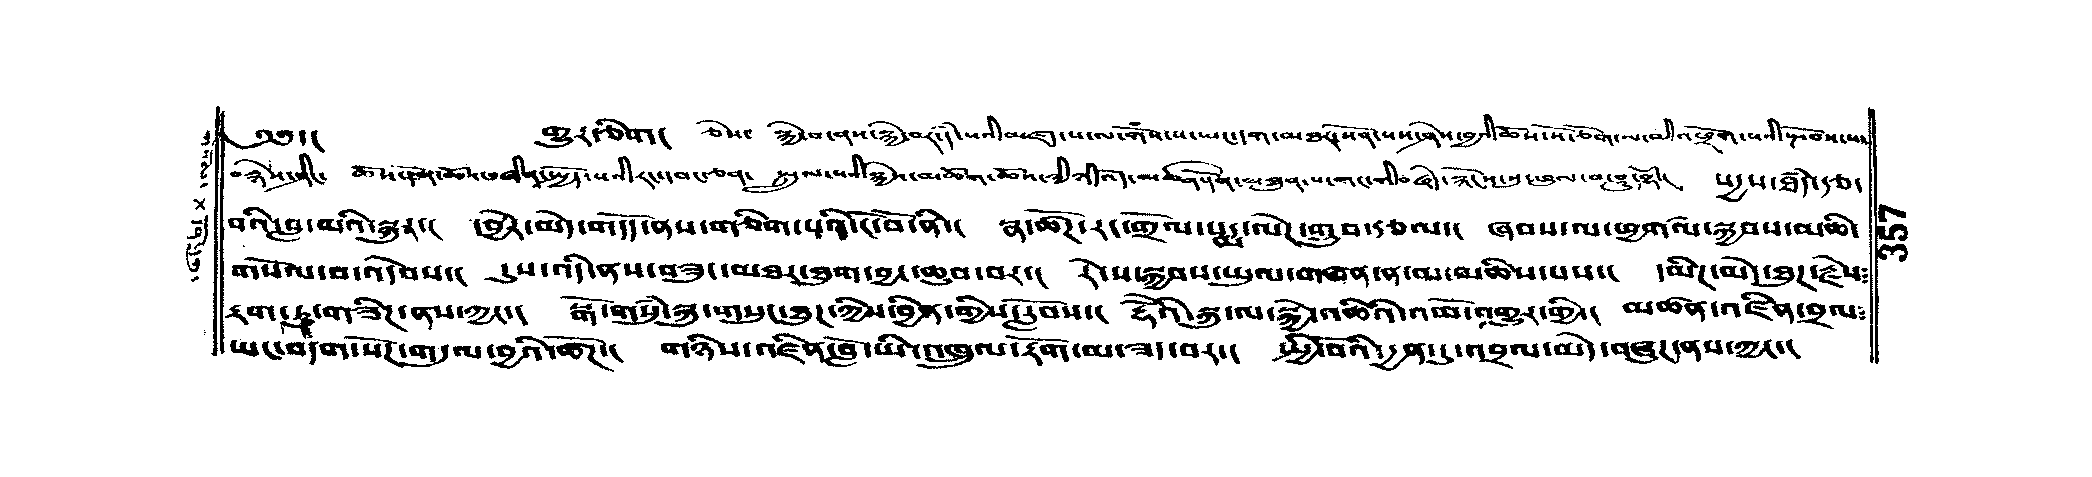གྱུར་ཅིག ཅེས་སྐྱེ་ནས་སྐྱེ་བར་དམ་པའི་མཛད་པ་ལ་གོམས་པ་ཡང་དག་མཐར་སོན་པས་ཤེས་བྱའི་ཆོས་སོ་ཅོག་ལ་མི་འཕྲོག་པའི་སྤོབས་པ་
བརྙེས་ཤིང་།ཆོས་དོན་ཆོས་བཞིན་སྤྱོད་པའི་རང་དབང་ཅན། སྤྲུལ་པའི་སྐྱེས་མཆོག་ཆོས་ཀྱི་ཉི་འོད་མཚན་དོན་མཐུན་པ་གང་གི་བཞེད་སྐོངས་སུ་ཕུལ་བ་ཤུ་བྷམ།། སངས་རྒྱས་ཐམས་ཅད་
རྩ་བའི་བླ་མའི་སྐུར། །དབྱེར་མེད་གདོད་ནས་གཅིག་པའི་ངོ་བོ་ནི། །སྣ་ཚོགས་རང་གྲོལ་པདྨ་ལེགས་གྲུབ་རྩལ། །ཞབས་ལ་ཕྱག་འཚལ་སྐྱབས་མཆི་
གསོལ་བ་འདེབས། །དུས་འདི་ནས་བཟུང་མཐར་ཐུག་བྱང་ཆུབ་བར། །རེ་ས་སྐྱབས་ཡུལ་གཞན་ན་མ་མཆིས་པས། །དམིགས་མེད་ཐུགས་རྗེས་
རྟག་ཏུ་གཟིགས་ནས་ཀྱང་། །སྒོ་གསུམ་སྐུ་གསུང་ཐུགས་ཀྱིས་བྱིན་གྱིས་རློབས། །རྡོ་རྗེའི་སྐུ་ལ་སྐྱེ་འཆིའི་འཕོ་འགྱུར་གྱི། །མཚན་འཛིན་བྲལ་
ཡང་བདག་སོགས་གདུལ་བྱའི་ཚོགས། །གཉིས་འཛིན་བློ་ཡི་འཁྲུལ་རྟོག་མ་ཟད་བར། །སྤྱི་བོའི་རྒྱན་དུ་འབྲལ་མེད་བཞུགས་ནས་ཀྱང་།